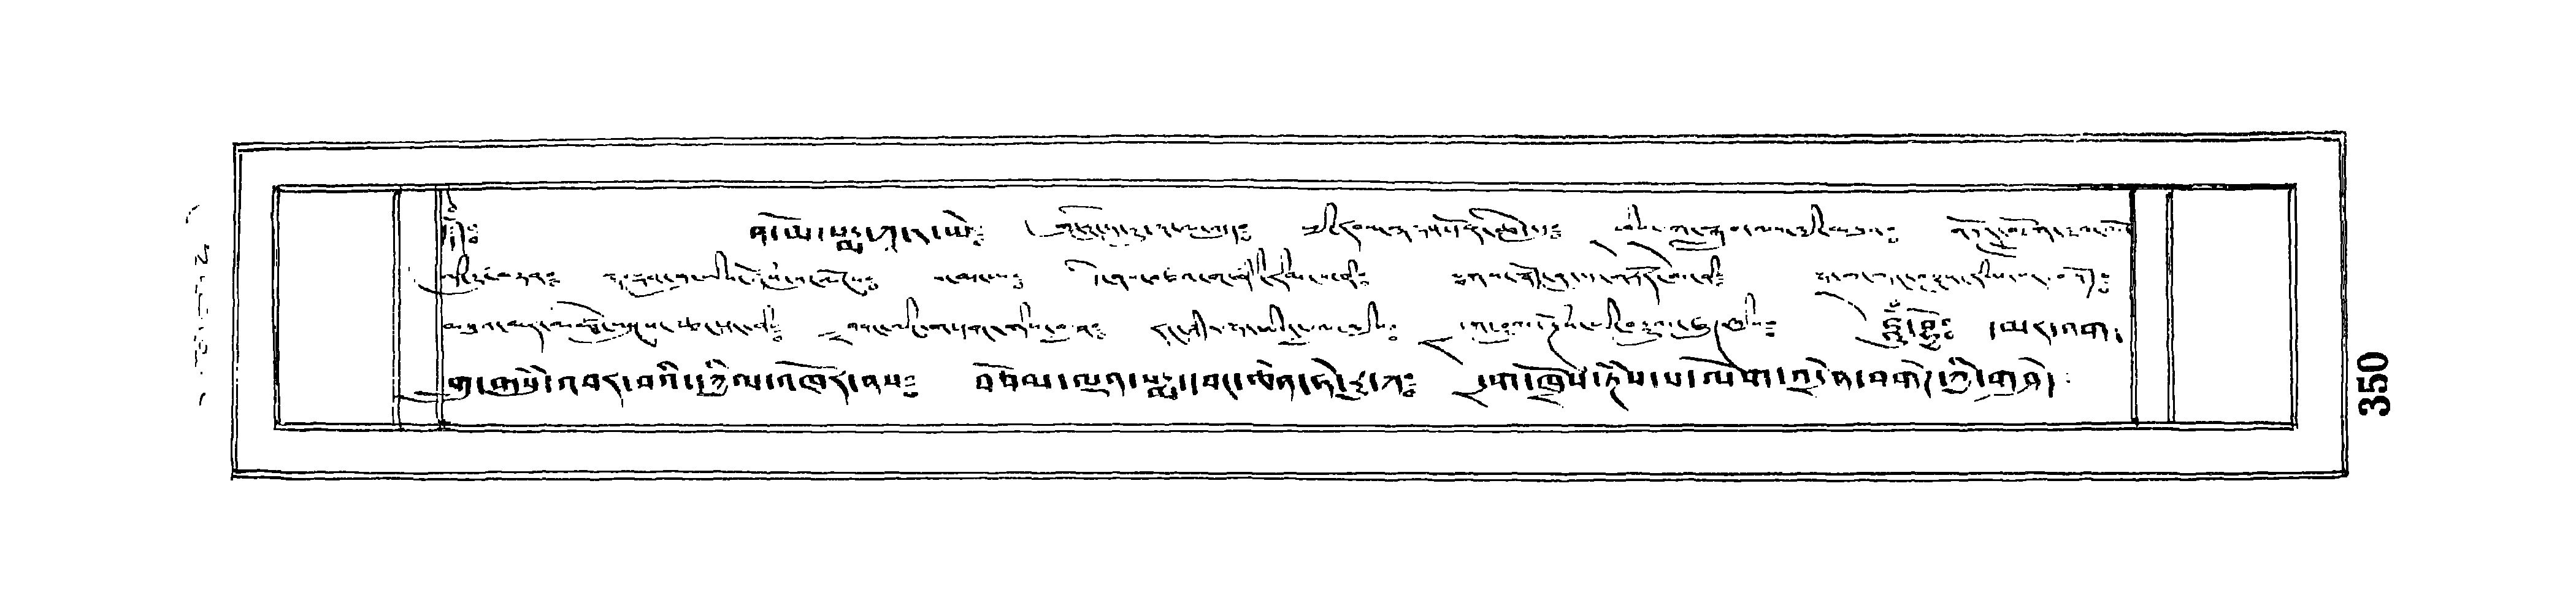ན་མོ་པདྨ་ཀཱ་ར་ཡེ༔ གུ་རུ་ཧེ་རུ་ཀ་ལ་འདུད༔ ཕྱི་རབས་སྐལ་ལྡན་དོན་ཆེད་དུ༔ ཕྲིན་ལས་དྲག་སྒྲུབ་ལས་ཀྱི་མཐའ༔ གཏོར་བཟློག་ཟབ་མོ་
འདི་རུ་བསྟན༔ སྐལ་ལྡན་བུ་ཡིས་ཉམས་སུ་ལོངས༔ ས་མ་ཡ༔ དེ་ནས་བཅའ་གཞིའི་རིམ་པ་ནི༔ ལྕགས་སྣོད་ནང་དུ་གཏོར་མ་ནི༔ ལྷ་གྲངས་དང་བསྟུན་རིམ་པར་བཀོད༔ 
མཐའ་མར་མཚེ་ཡུངས་རྩང་དང་ནི༔ ཤ་ཁྲག་ལིང་ག་དག་གིས་བརྒྱན༔ རང་ཉིད་ལྷ་ཡི་ང་རྒྱལ་གྱིས༔ དྲག་ཤུལ་རྔམས་པའི་བརྟུལ་ཞུགས་ཀྱིས༔ ཧཱུྃ་བྷྱོ༔ དམར་ནག་
གྲུ་གསུམ་འབར་བའི་དཀྱིལ་འཁོར་ནས༔ བཅོམ་ལྡན་པདྨ་དབང་ཆེན་ཧེ་རུ་ཀ༔ དྲག་ཁྲོས་རྔམས་པ་ལོག་འདྲེན་བགེགས་ཀྱི་བཤེད༔